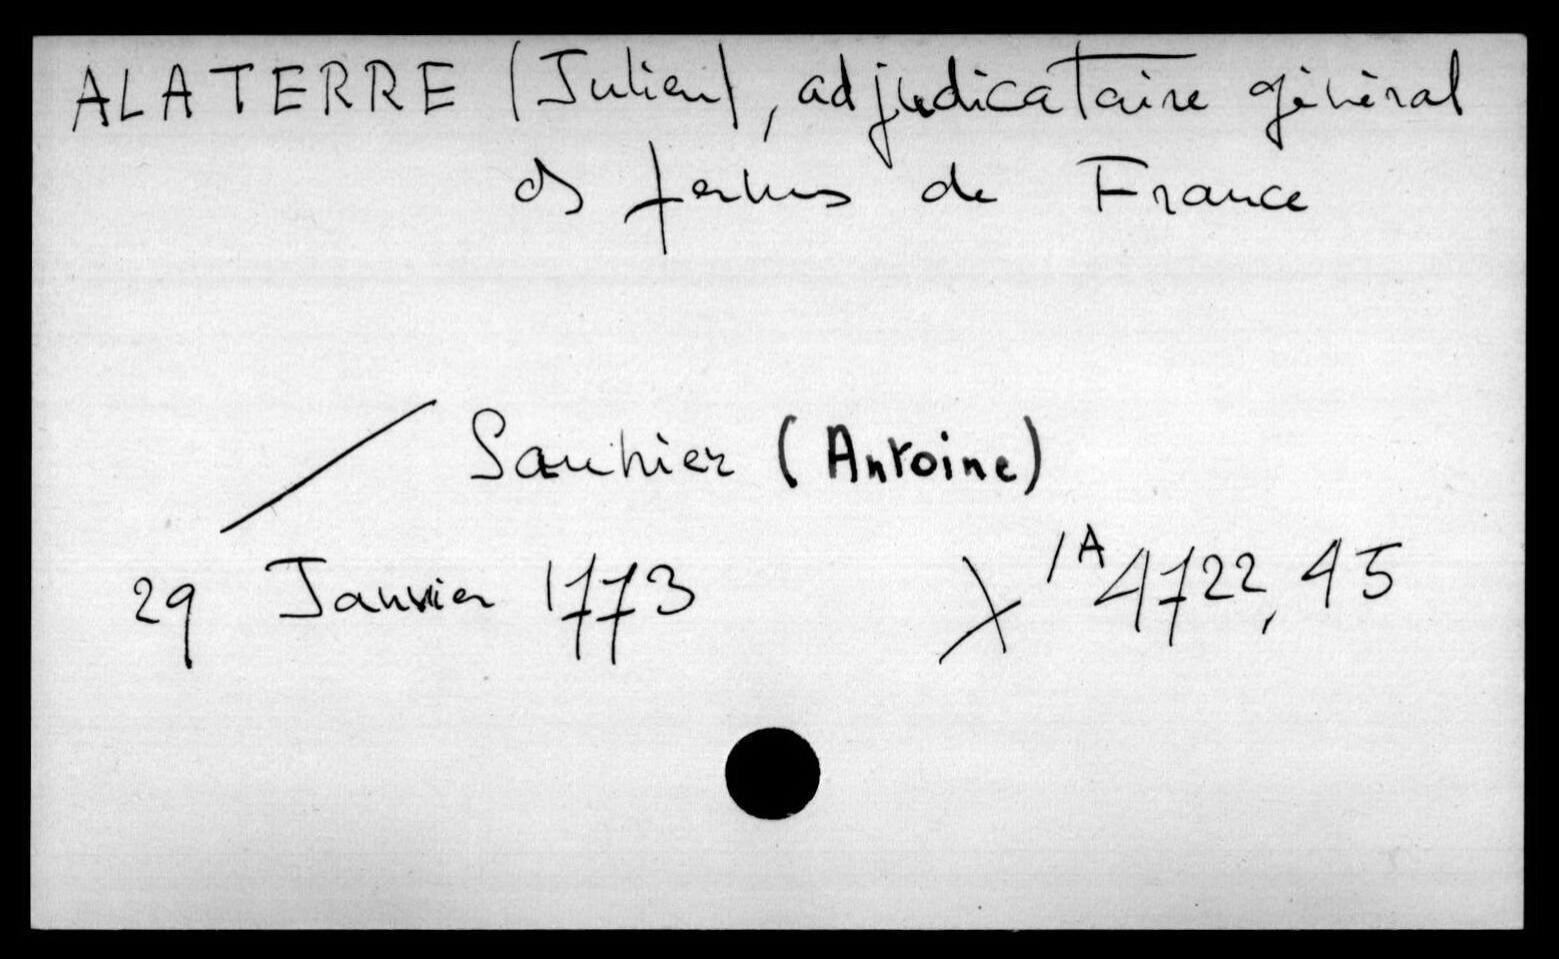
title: ALATERRE (Julien) Adjudicataire général des fermes de France
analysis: Contre Saunier (Antoine)
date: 29 janvier 1773
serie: X1A
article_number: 4722
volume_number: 45
